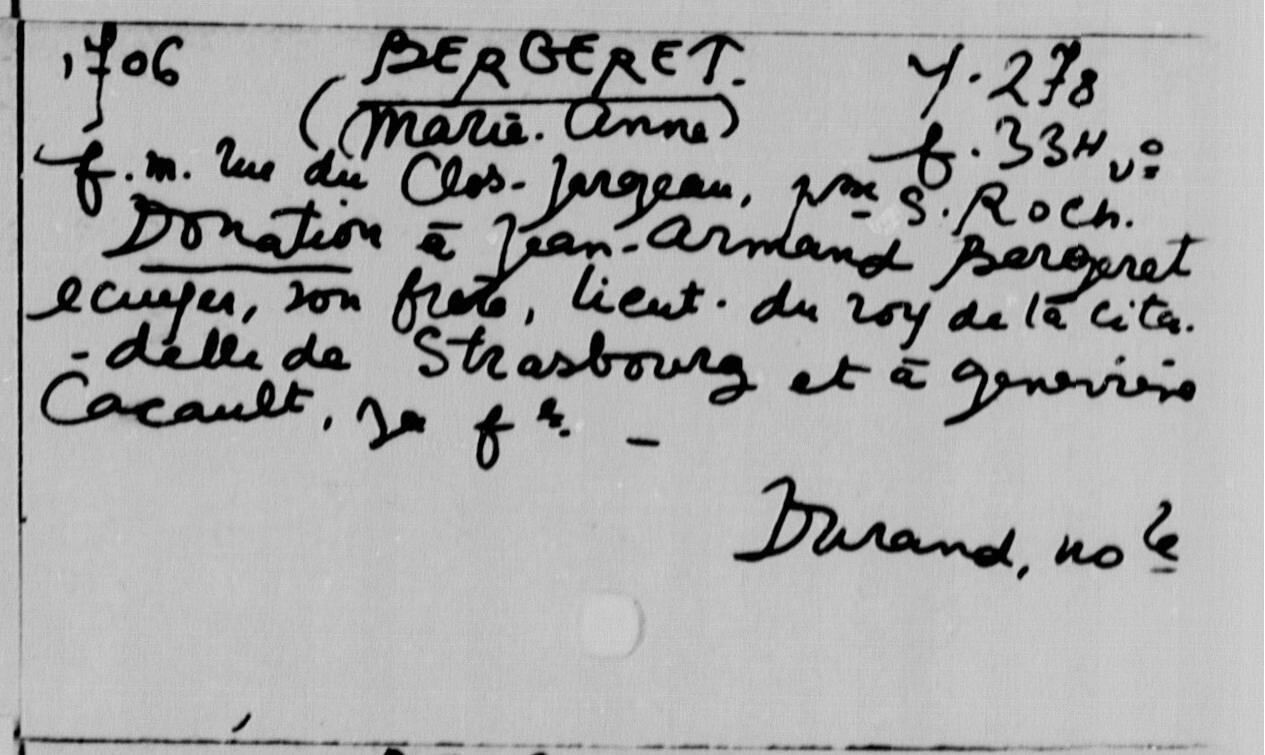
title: BERGERET (Marie-Anne)
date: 1706
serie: Y
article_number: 278
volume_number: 334V
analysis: fille majeure, rue du Clos-Jargeau, paroisse Saint Roch. Donation à Jean-Armand Bergeret, écuyer, son frère, lieutenant du roy de la citadelle de Strasbourg et à Geneviève Cocault, sa femme. Durand, notaire
